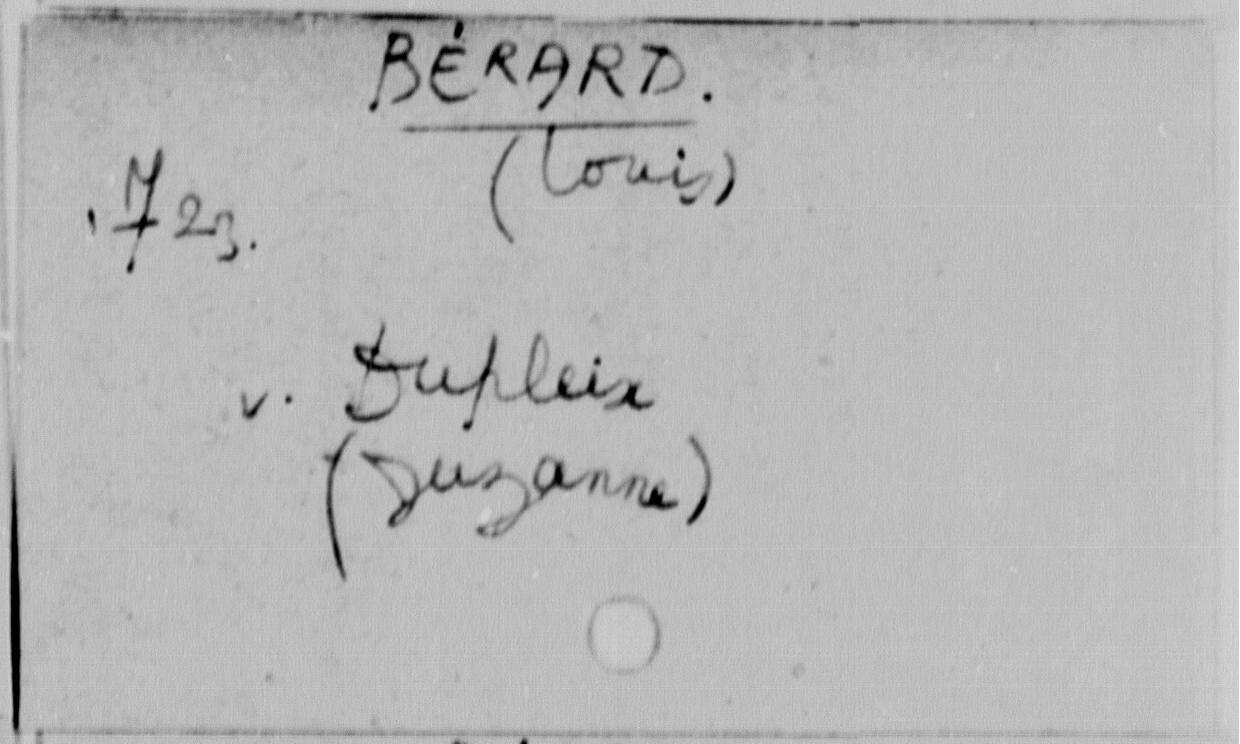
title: BÉRARD (Louis)
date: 1723
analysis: Voir ; DUPLEIX (Suzanne)
